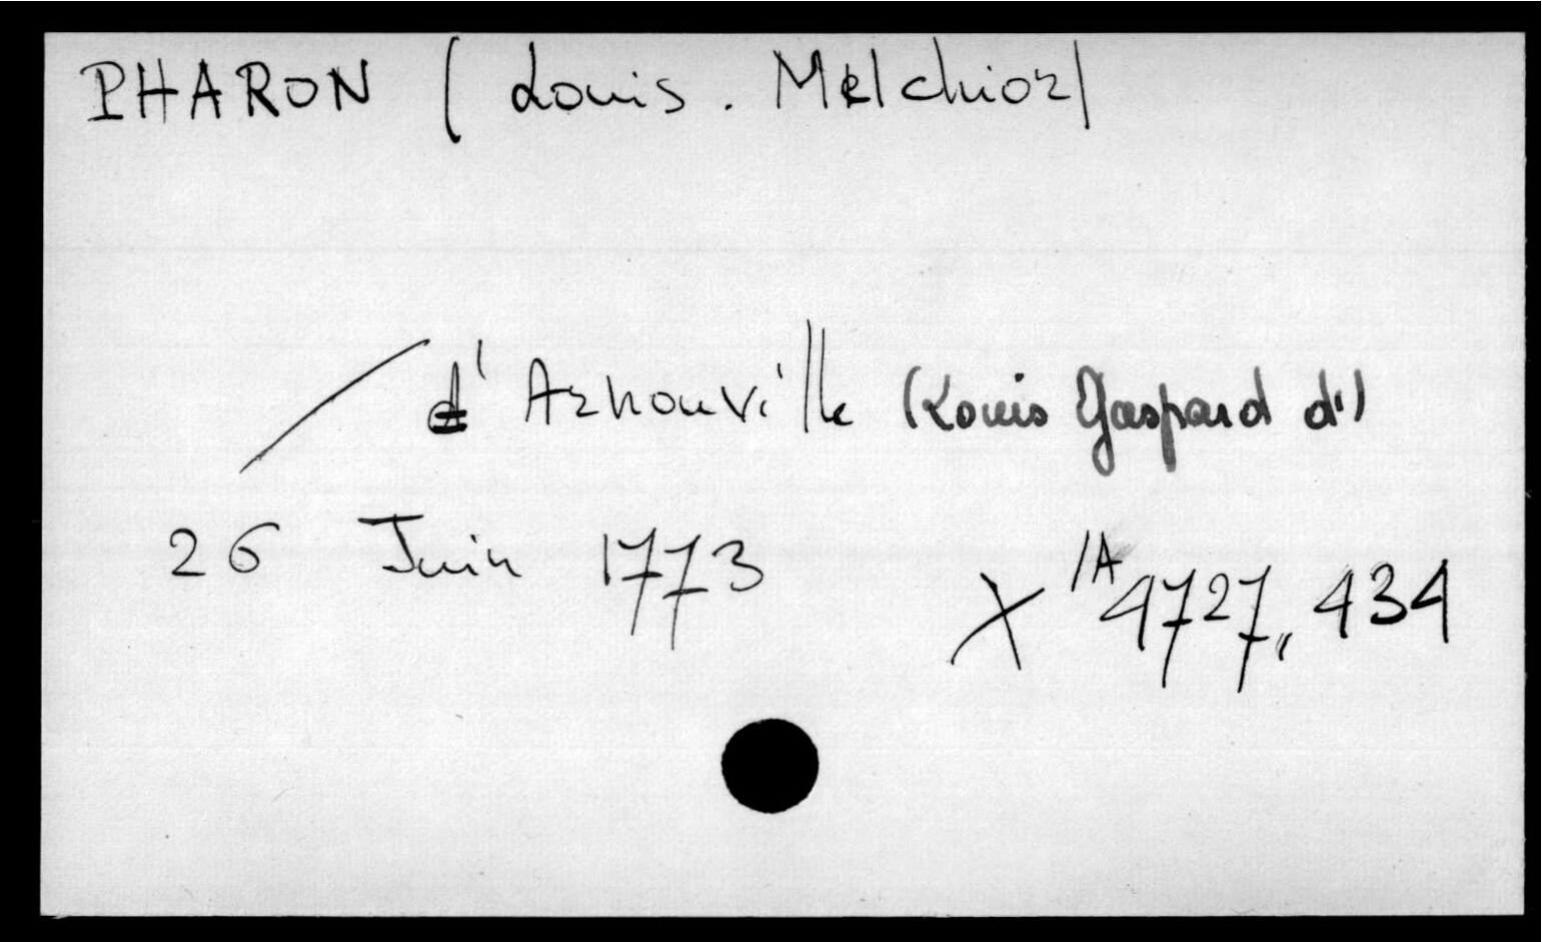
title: PHARON (Louis-Melchior)
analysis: Contre d'Arnouville (Louis Gaspard d')
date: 26 juin 1773
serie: X1A
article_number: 4727
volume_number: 434
